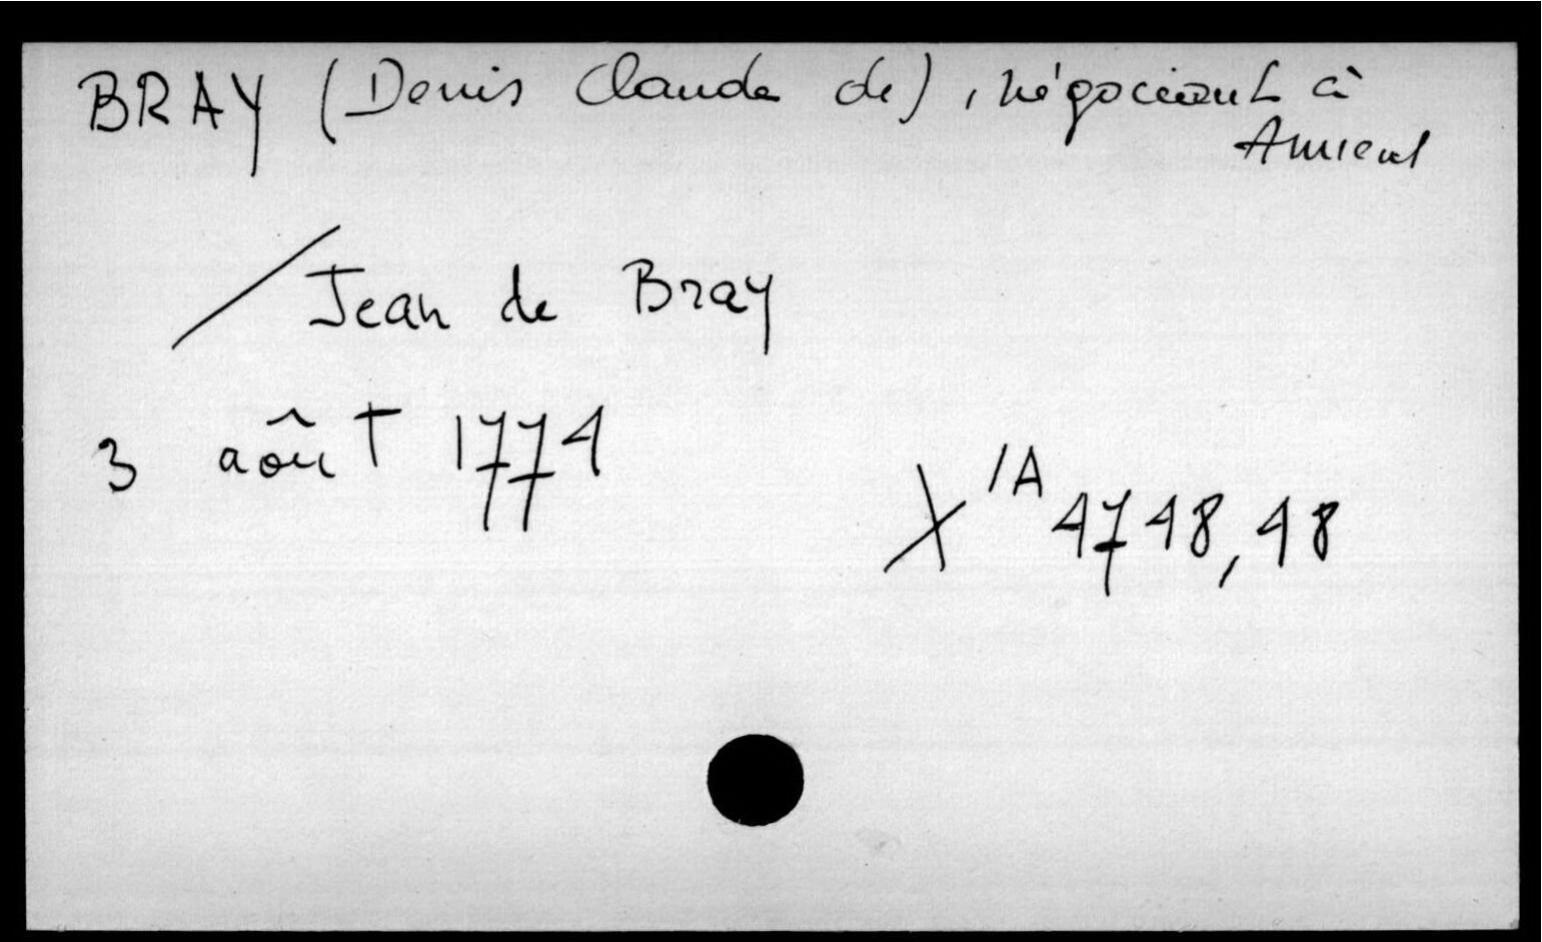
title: BRAY (Denis Claude de), négociant à Amiens
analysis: Contre Jean de Bray
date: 3 août 1774
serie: X1A
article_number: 4748
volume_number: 48
